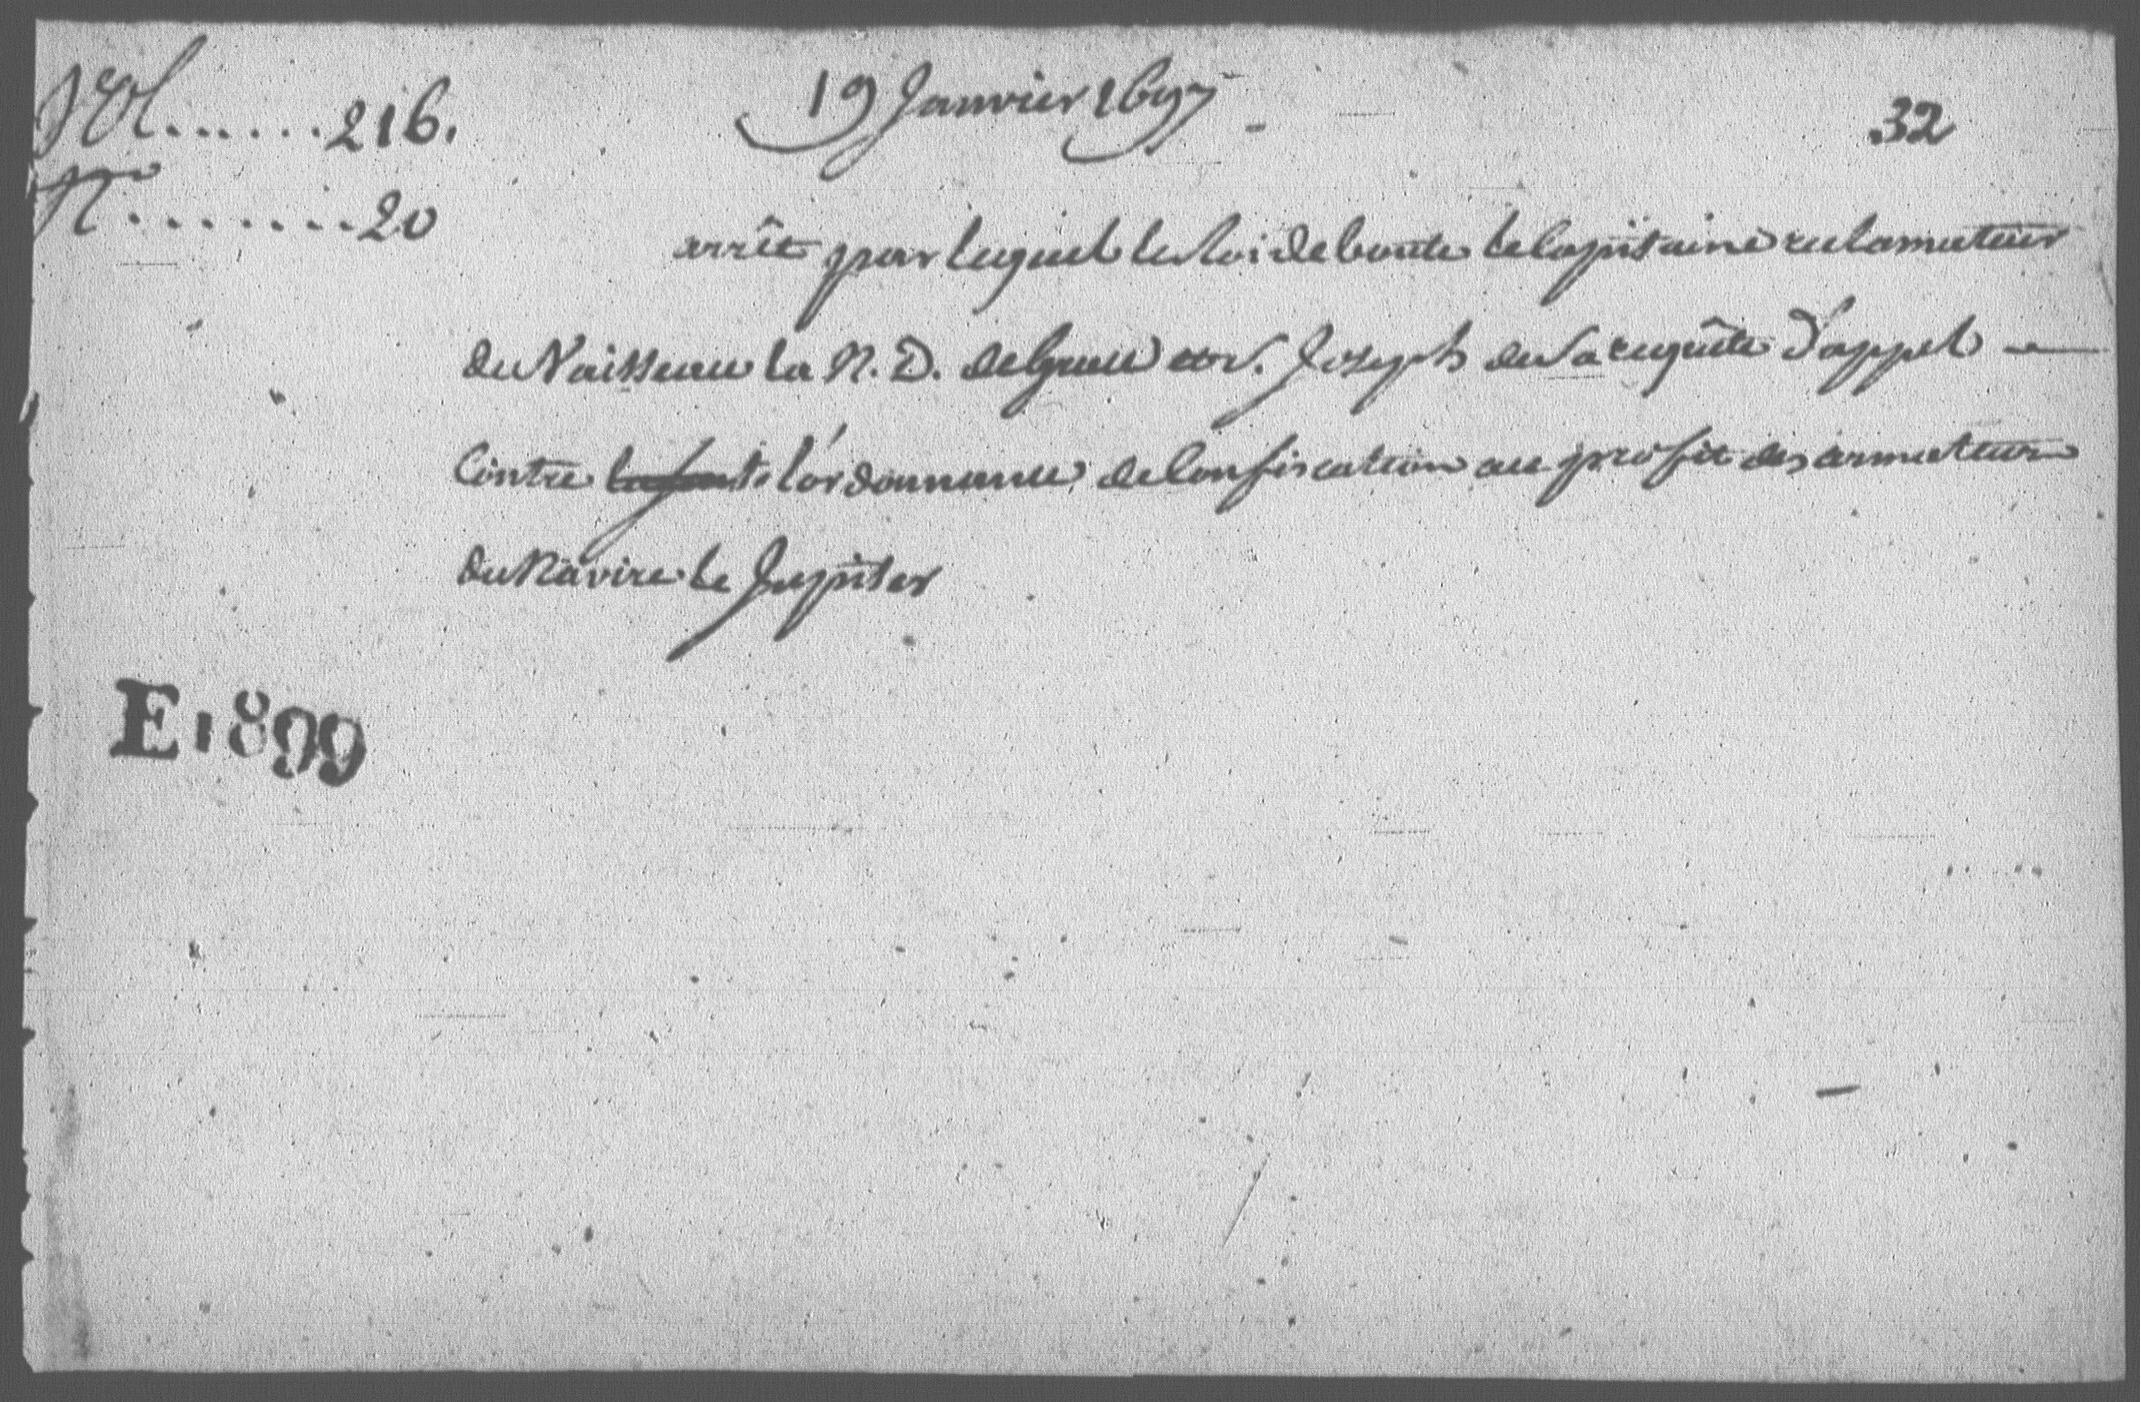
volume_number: n°20
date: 19 janvier 1697
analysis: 32
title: arrêt par lequel le Roi deboute le Capitaine reclamateur du Vaisseau la N. D. de Grace et S. Joseph de Sa requête d'appel contre [mot rayé] l'ordonnance de confiscation au profit des armateurs du Navire le Jupiter.
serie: E
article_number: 1899
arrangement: vol. 216
